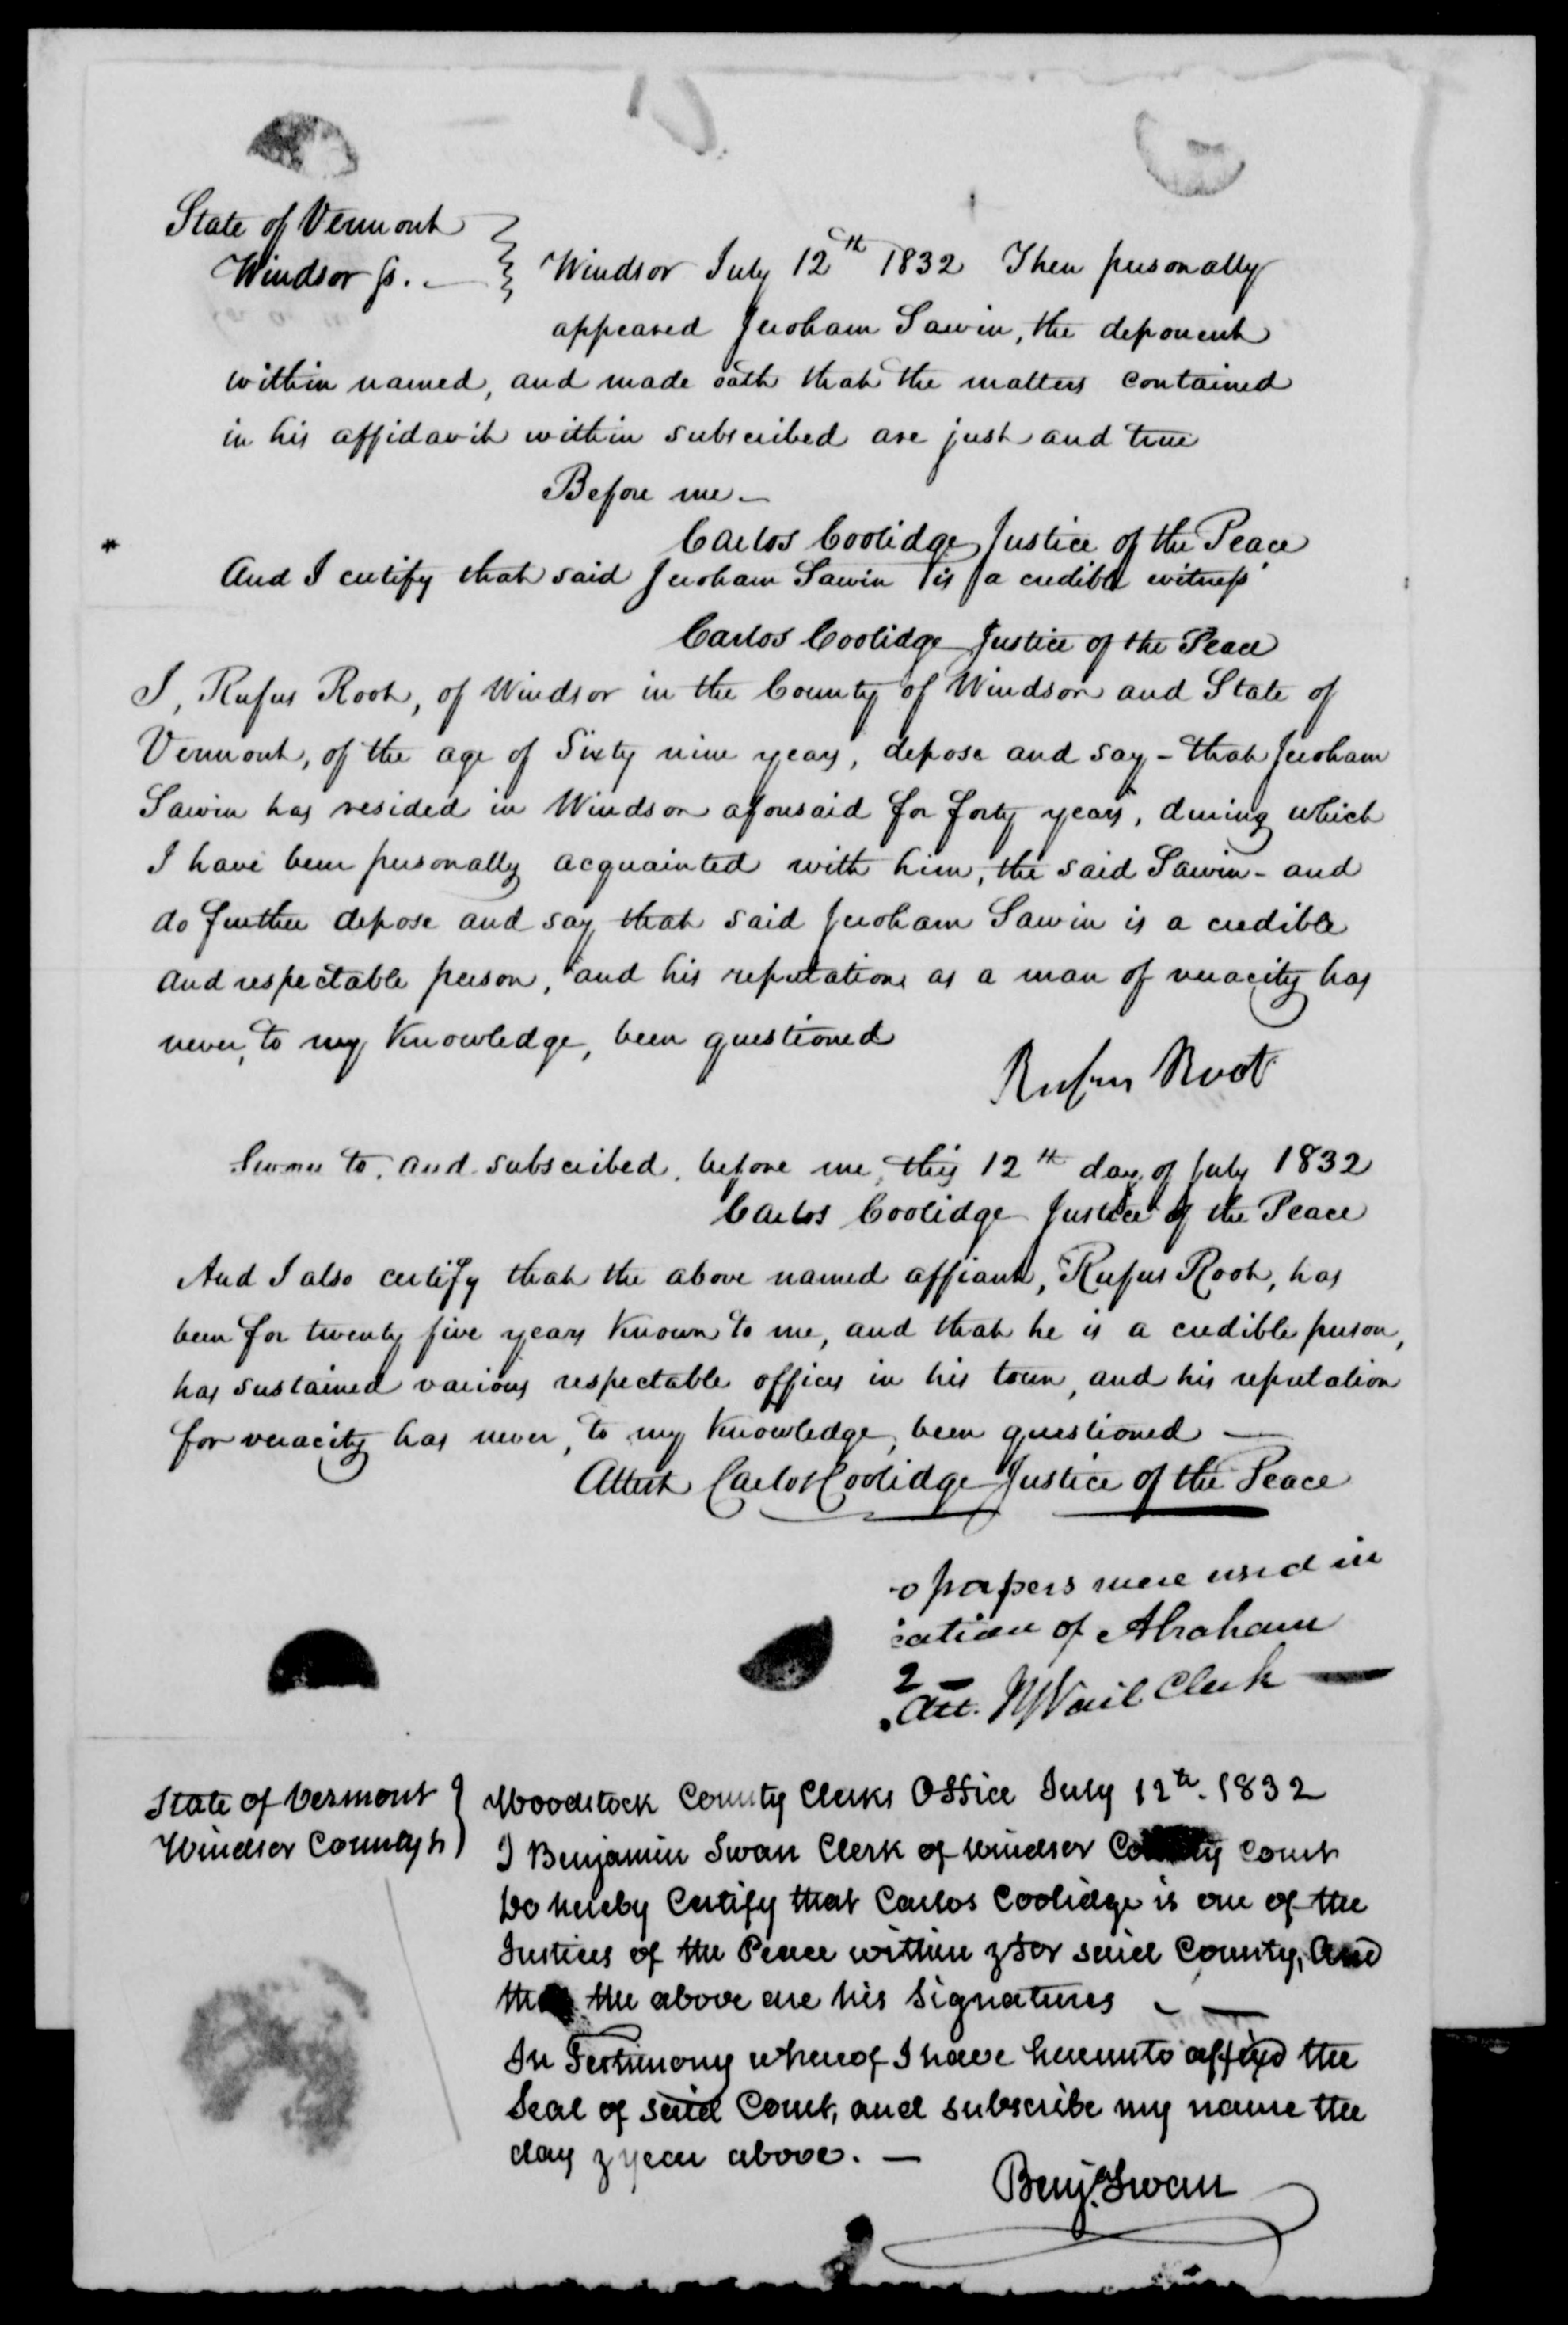State of Vermont 
Windsor ss.  

Windsor July 12th 1832    Then personally appeared Jeroham Sawin, the deponent within named, and made oath that the matters contained in his affidavit within subscribed are just and true. 

Before me
Carlos Coolidge Justice of the Peace 

And I certify that said Jeroham Sawin is a credible witness 
Carlos Coolidge Justice of the Peace 

I,Rufus Root, of Windsor in the County of Windsor and State of Vermont, of the age of Sixty nine years, depose and say- that Jeroham Sawin has resided in Windsor aforesaid for forty years, during which I have been personally acquainted with him, the said Sawin, and do further depose and say that said Jeroham Sawin is a credible respectable person, and his reputation as a man of veracity has never to my knowledge, been questioned.

Rufus Root 

Sworn to and subscribed before me this 12th day of July 1832 
Carlos Coolidge Justice of the Peace 

And I also certify that the above named affiant, Rufus Root, has been for twenty five years known to me, and that he is a credible person has sustained various respectable offices in his town, and his reputation for veracity has never, to my knowledge, been questioned. 

Attest Carlos Coolidge Justice of the Peace 

papers were used in citation of Abraham 
2.  Att. J.Y. Vail.   Clerk 

State of Vermont
Windsor County SS

Woodstock County Clerks Office July 12th 1832 I Benjamin Swan Clerk of Windsor County Court do hereby certify that Carlos Coolidge is one of the Justices of the Peace within for said County, and that the above are his signatures - 

In Testimony whereof I have hereunto affixed the Seal of said Court, and subscribe my name the day year above.- 
Benjamin Swan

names: Benja Swan; Carlos Coolidge; Jeroham Sawin; Rufus Root; Jeroham Sawin; Rufus Root; Carlos Coolidge; Abraham [BLANK]; Carlos Coolidge; Jeroham Sawin; Benjamin Swan; J Y Vail; Rufus Root; Jeroham Sawin; Carlos Coolidge; Carlos Coolidge; [BLANK] Sawin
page: 12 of 13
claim: survivor's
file: S. 15977, for Abraham Shipman, Vermont